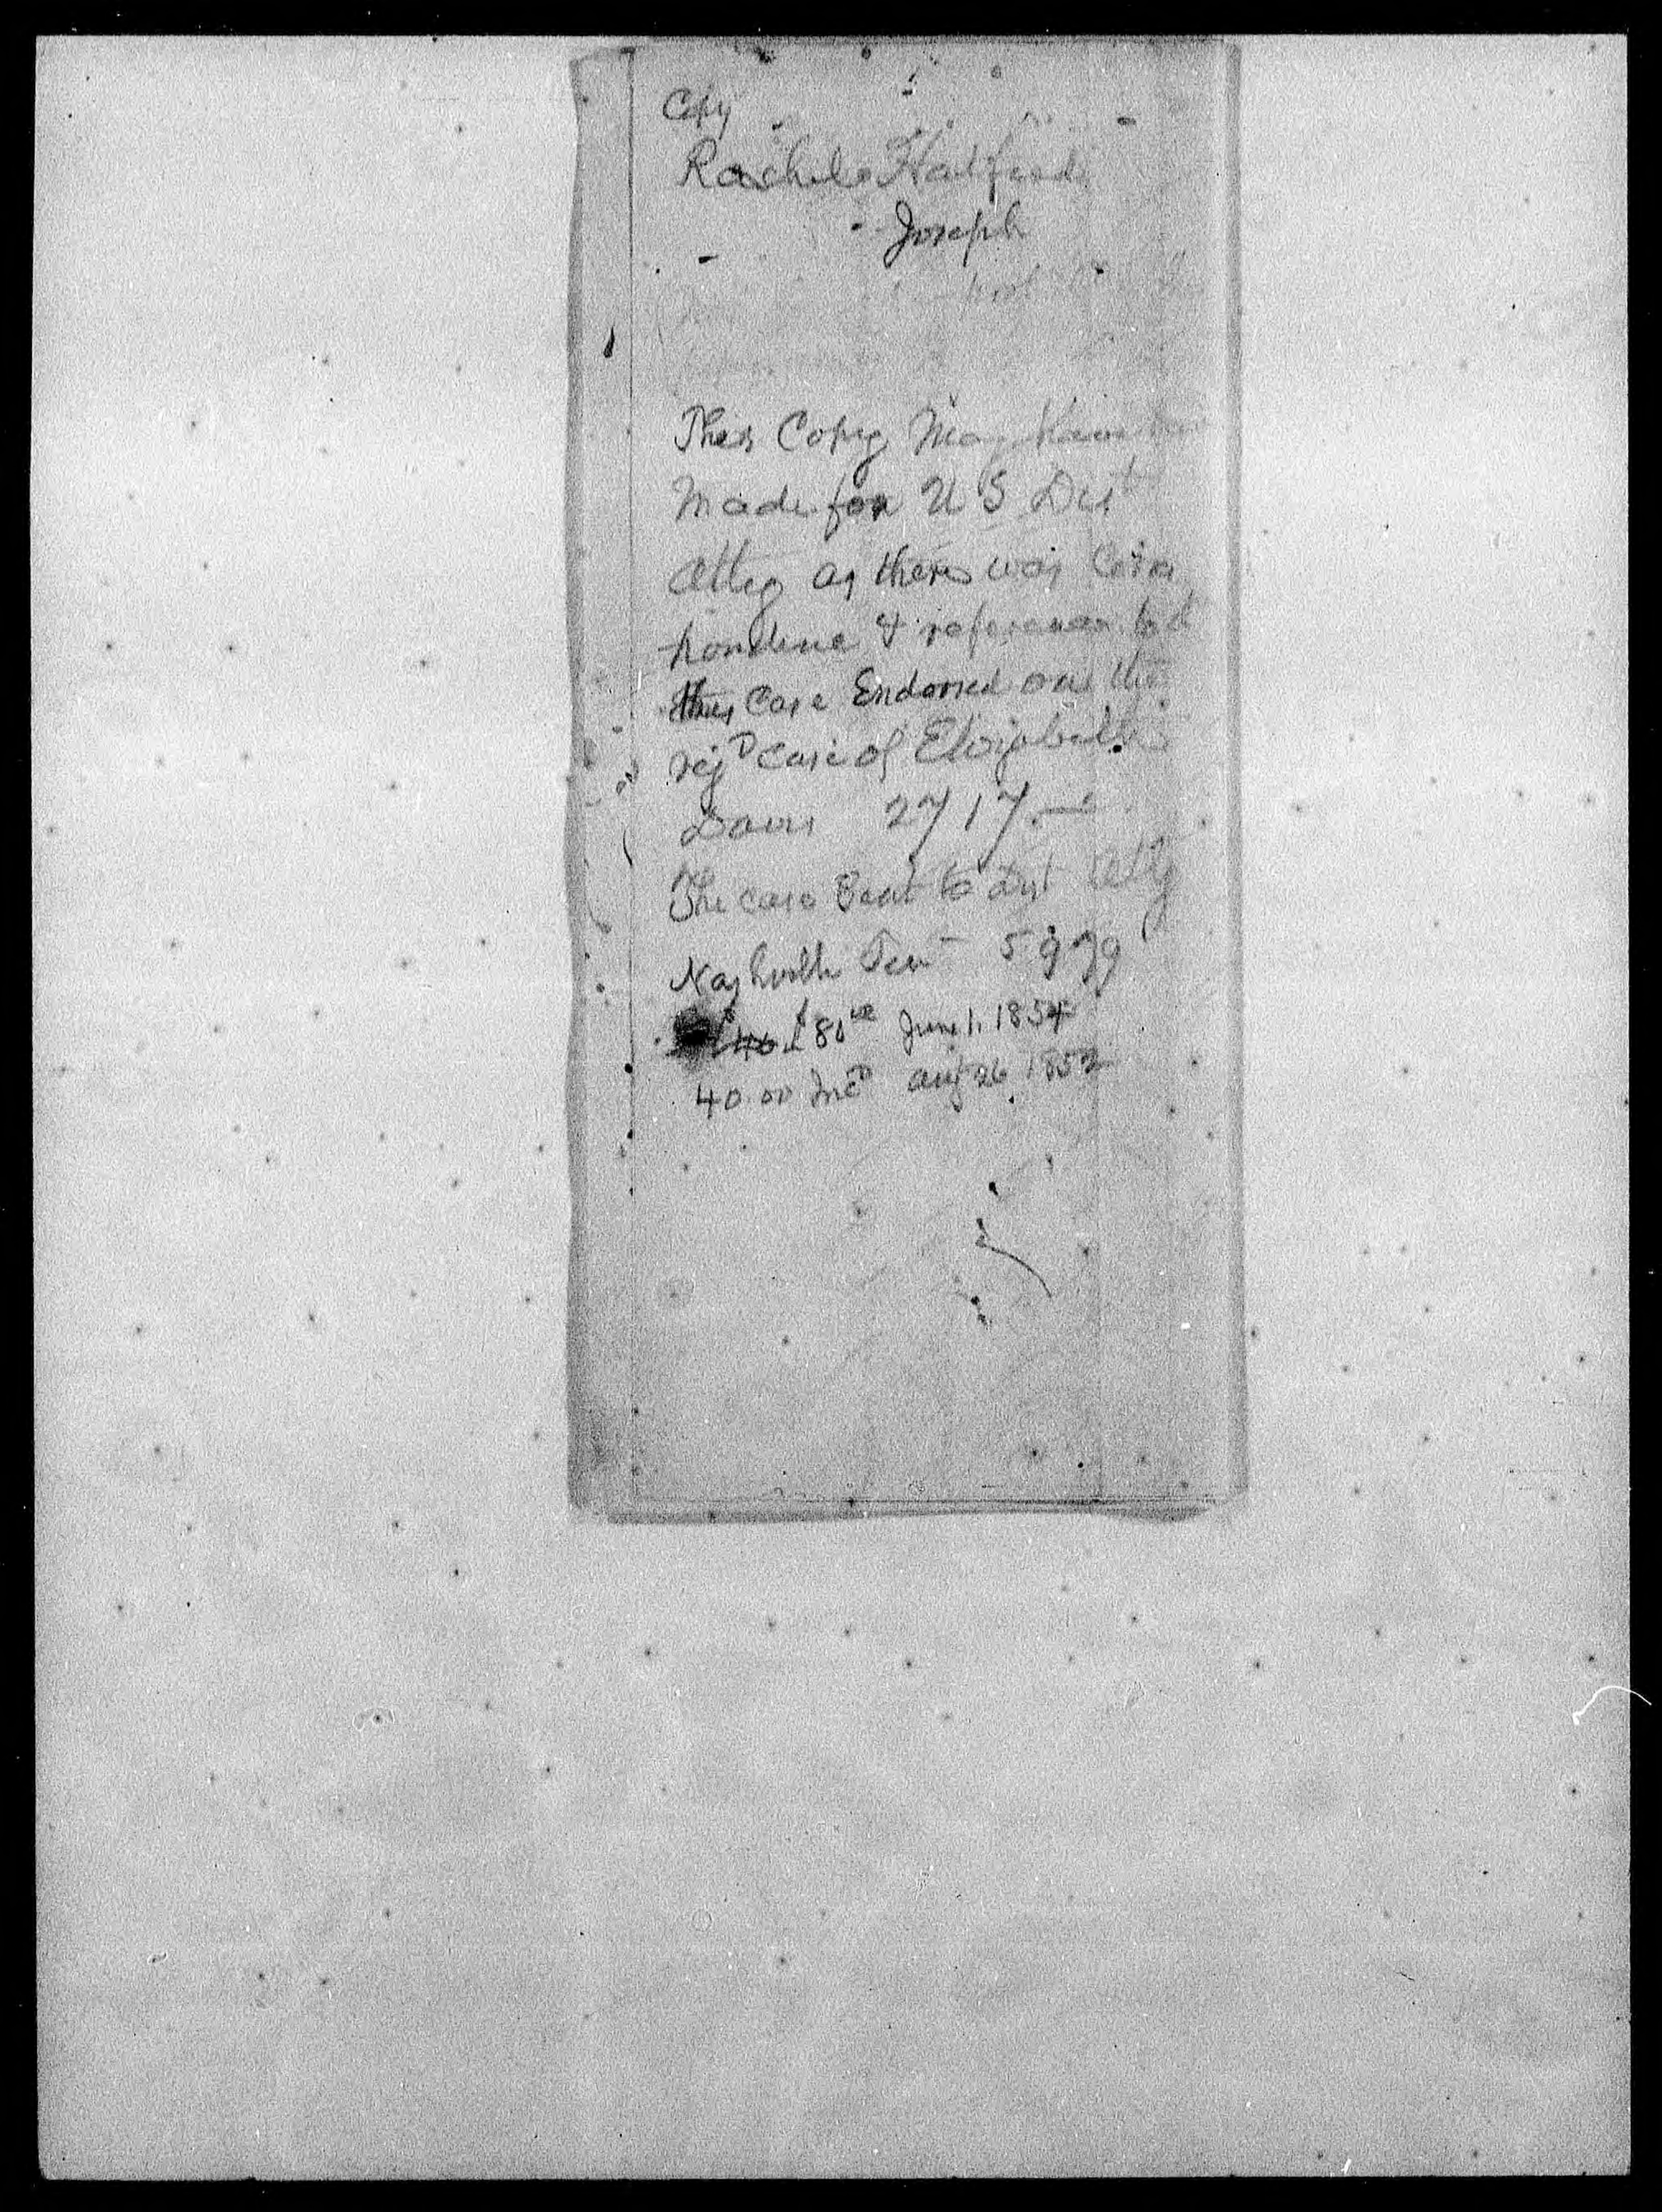Copy
Rachel Hatfield
Joseph

This Copy may have been
made for US Dist
Atty as there was correspondence
& reference to it
this Case Endorsed as the
rejd. case of Elizabeth
Davis 2717 -
The case Sent to Dist Atty
Nashville Ten - 5979
$80.00 June 1, 1854
40.00 Incd Augt 26, 1852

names: Elizabeth Davis, Rachel Hatfield, Joseph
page: 41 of 74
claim: widow's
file: W. 5, Joseph Hatfield, Va.